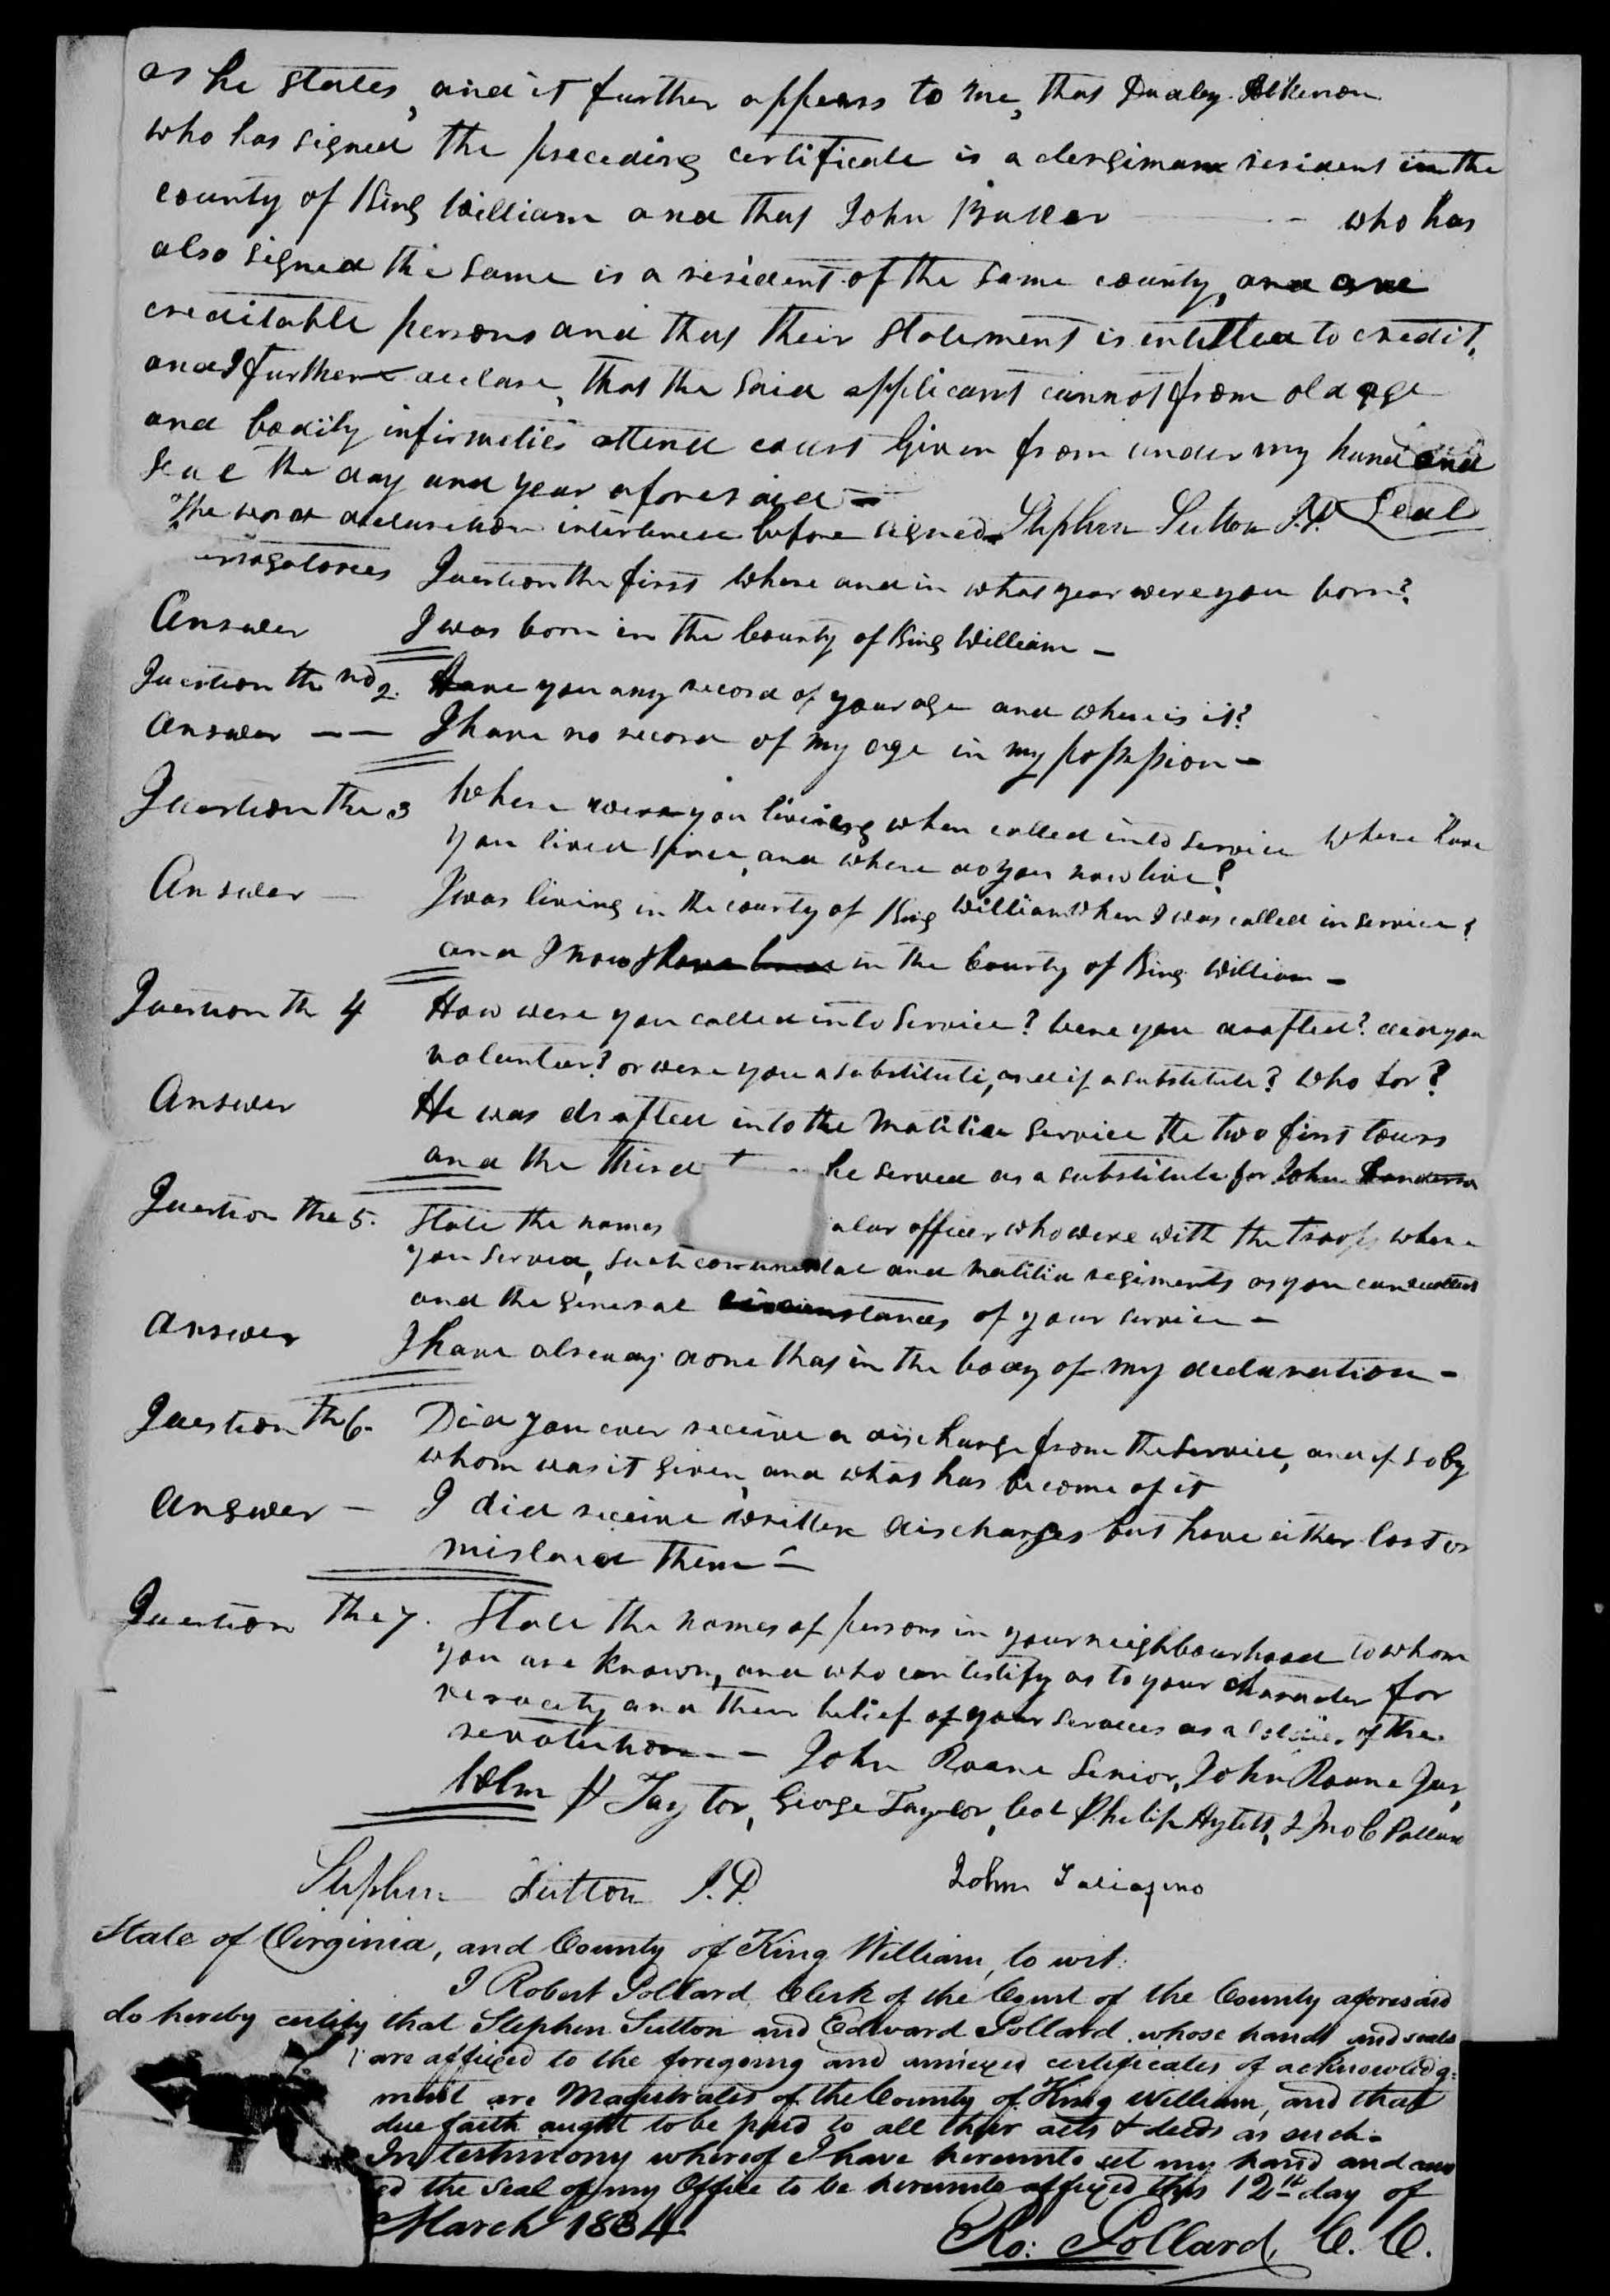as he states, and it further appears to me, that Dudley Atkinson who has signed the preceding certificate is a clergiman resident in the county of King William and that John Butler ___ who has also signed the same is a resident of the same county and are creditable persons and that their statement is entitled to credit and further declare that the said applicant cannot from old age and bodily infirmities attend court Given from under my hand and seal the day and year aforesaid. 

The word [illegible] [illegible] before signed. Stephen Sutton J.P. Seal

Interrogatories
Question the first where and in what year were you born? 
Answer I was born in the County of King William. 
Question the No. 2. Have you any record of your age and when is it?
Answer I have no record of my age in my possession
Question the 3. Where were you living when called into service, where have you lived since, and where do you now live? 
Answer I was living in the county of King William when I was called in service and I now & have lived in the County of King William. 
Question the 4. How were you called into service? Were you drafted? did you volunteer? or were you a substitute, and if a substitute? Who for?
Answer He was drafted in to the Militia service the two first tours and the third he served as a substitute for John Henderson [?]
Question the 5. State the names [white spot in paper] alor officer who were with the troops where you served, such continental and militia regiments as you can recollect and the general circumstances of your service. 
Answer I have already done that in the body of my declaration
Question the 6. Did you ever receive a discharge from the service and if so by whom was it given and what has become of it.
Answer I did receive written discharges but have either lost or mislaid them. 
Question the 7. State the names of persons in your neighborhood to whom you are known, and who can testify as to your character for veracity and their belief of your services as a soccer of the revolution. 
John Roane Senior, John Roane Jr., Helm [or, Wlm?] H Taylor, George Taylor, [Cap?] Philip Aylett, & Jno C Pollard. John Taliaferro. 
Stephen Sutton J.P.
State of Virginia, and County of King William, to wit:
I Robert Pollard Clerk of the Court of the County aforesaid do hereby certify that Stephen Sutton and Edward Pollard whose hand and seals are affixed to the foregoing and annexed certificates of acknowledgment are Magistrates of the County of King William, and that due faith ought to be paid to all their acts & deeds as such. In testimony whereof I have hereunto set my hand and the seal of my office to be hereunto affixed this 12th day of March 1834. 
Ro. Pollard C.C.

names: John Taliaferro; Jno C Pollar; John Butler; Robert Pollard; George Taylor; John Roane Lenior; Philip Aylett; Jas P Taylor; Ro Pollard; Stephen Sutton; Edward Pollard; Stephen Tutton; John Henderson; Stephen Sutton; Dudley Atkinson; John Roane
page: 7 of 34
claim: survivor's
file: S. 19483, for John Taliaferro, Virginia